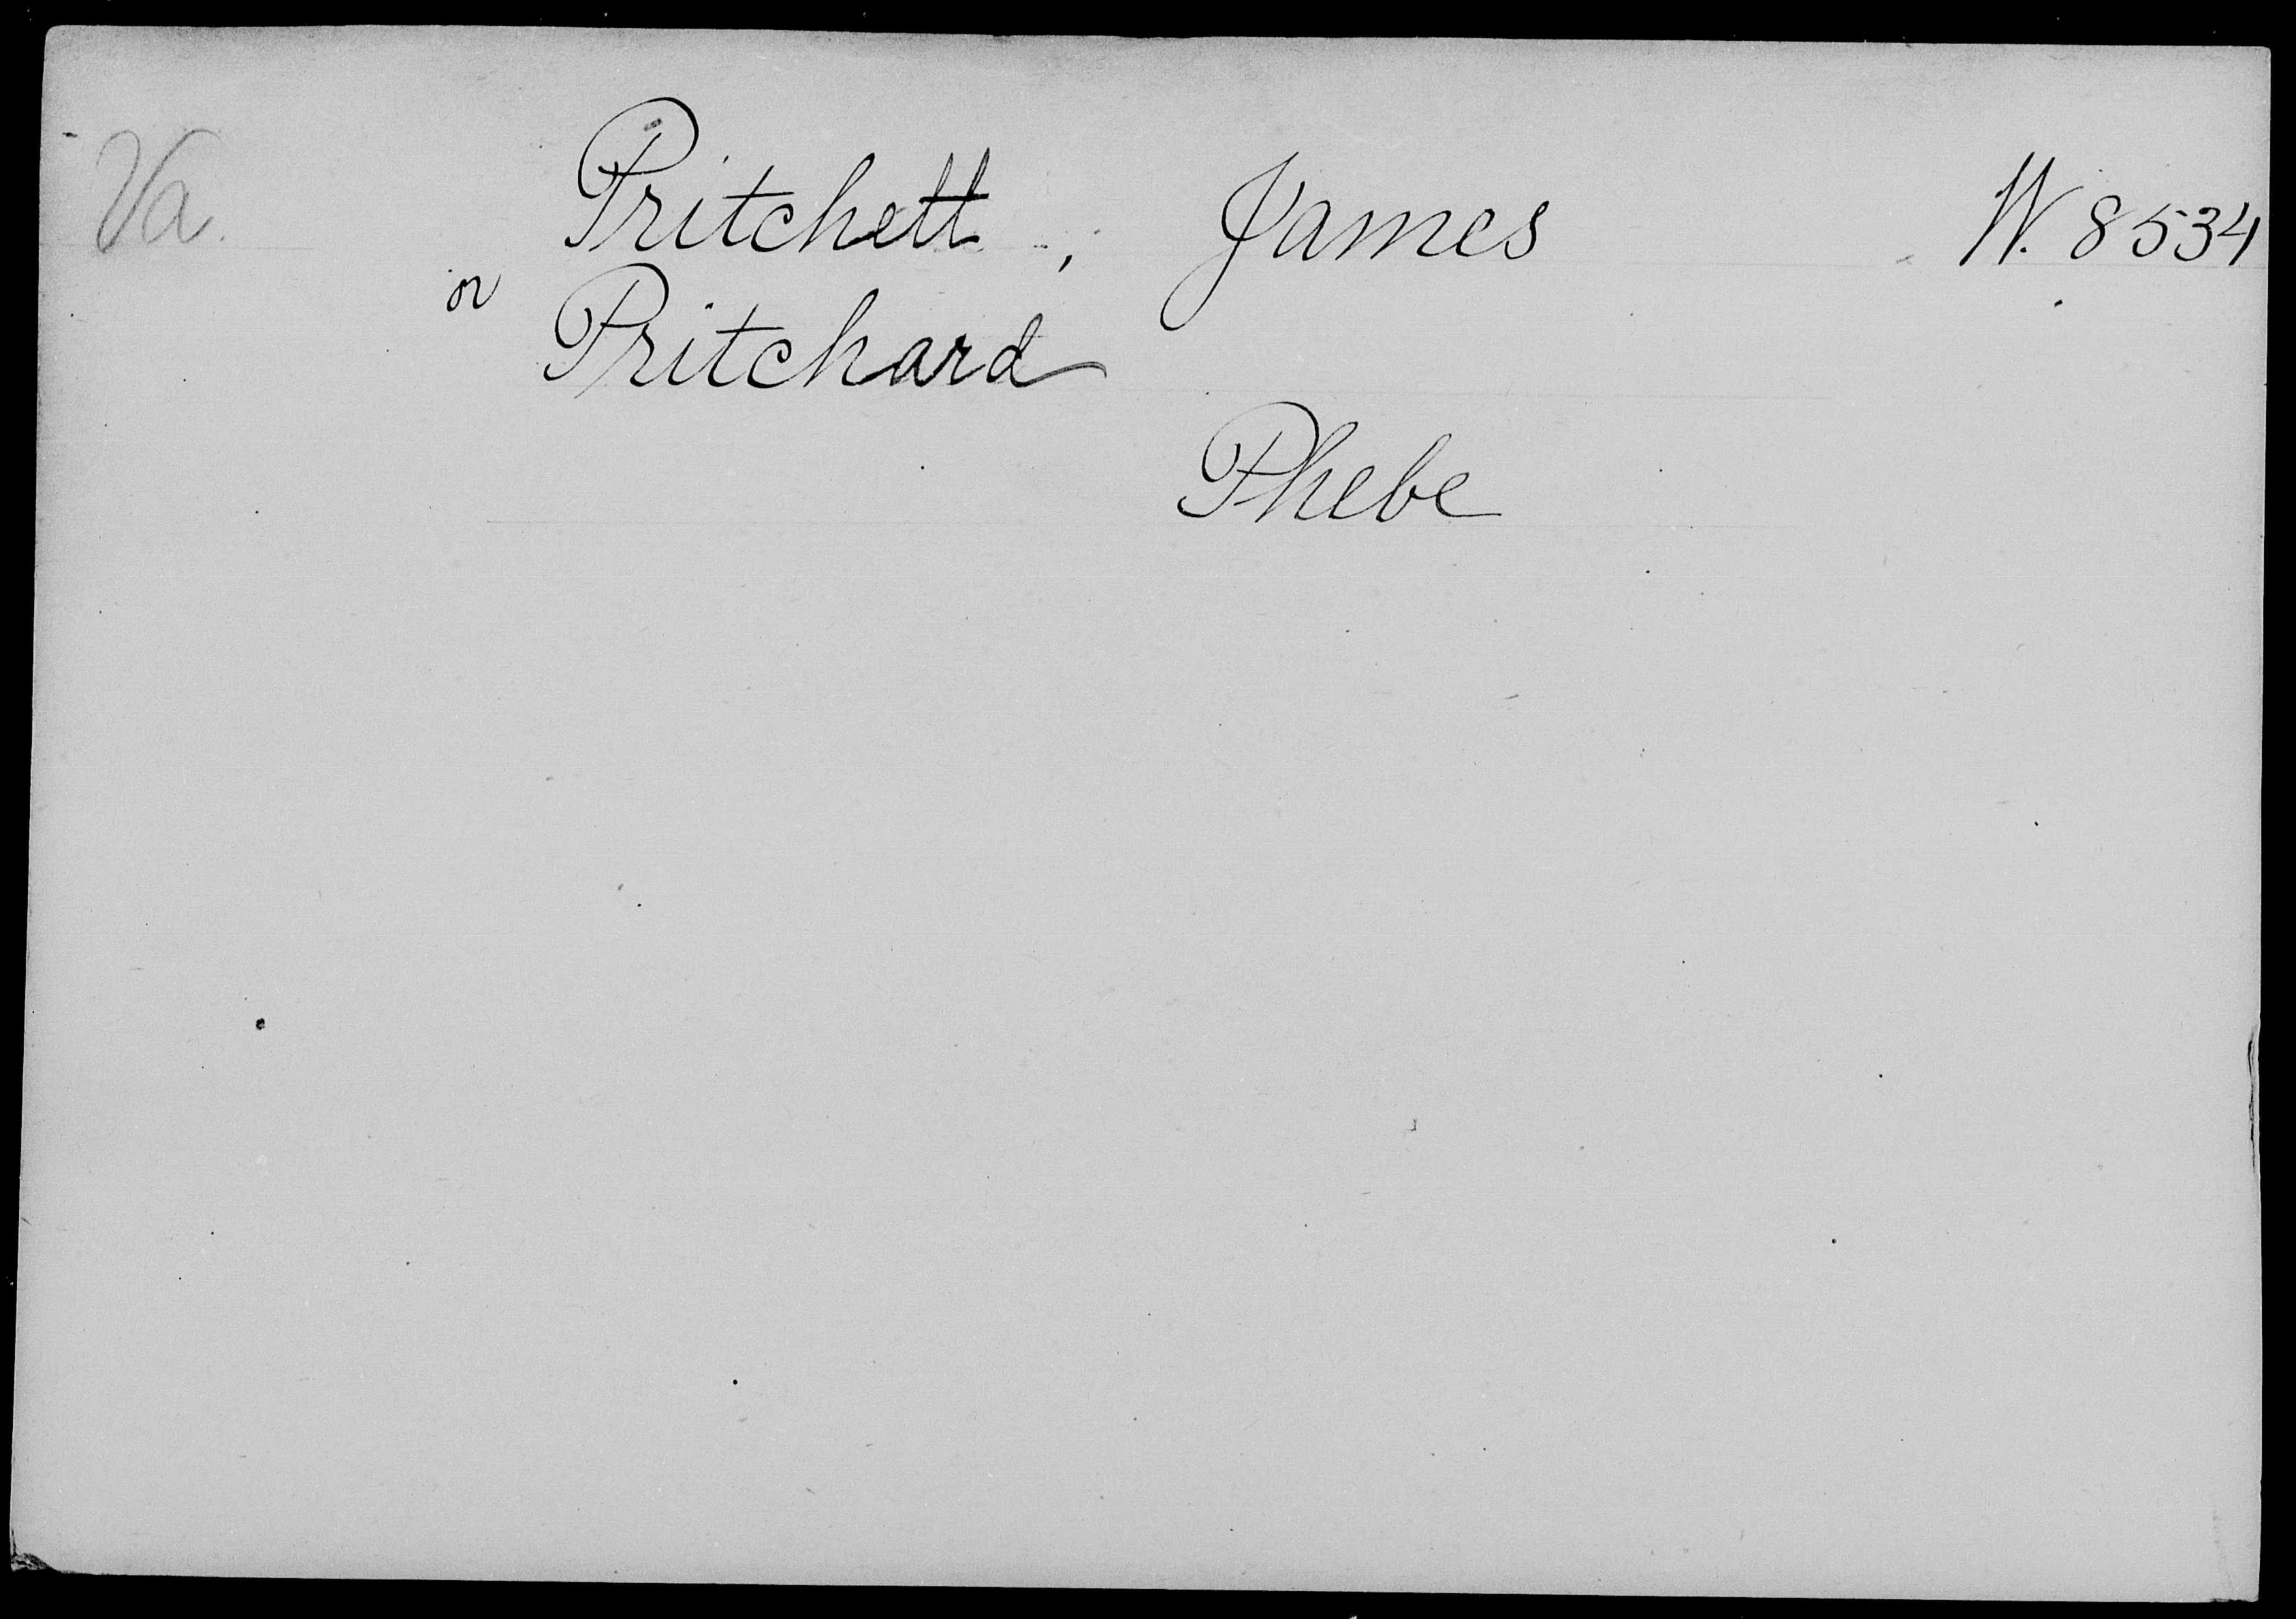Va.		Pritchett, James		W. 8534
		or Pritchard
			Phebe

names: James Pritchard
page: 1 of 1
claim: widow's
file: W. 8534, for James Pritchett, Virginia